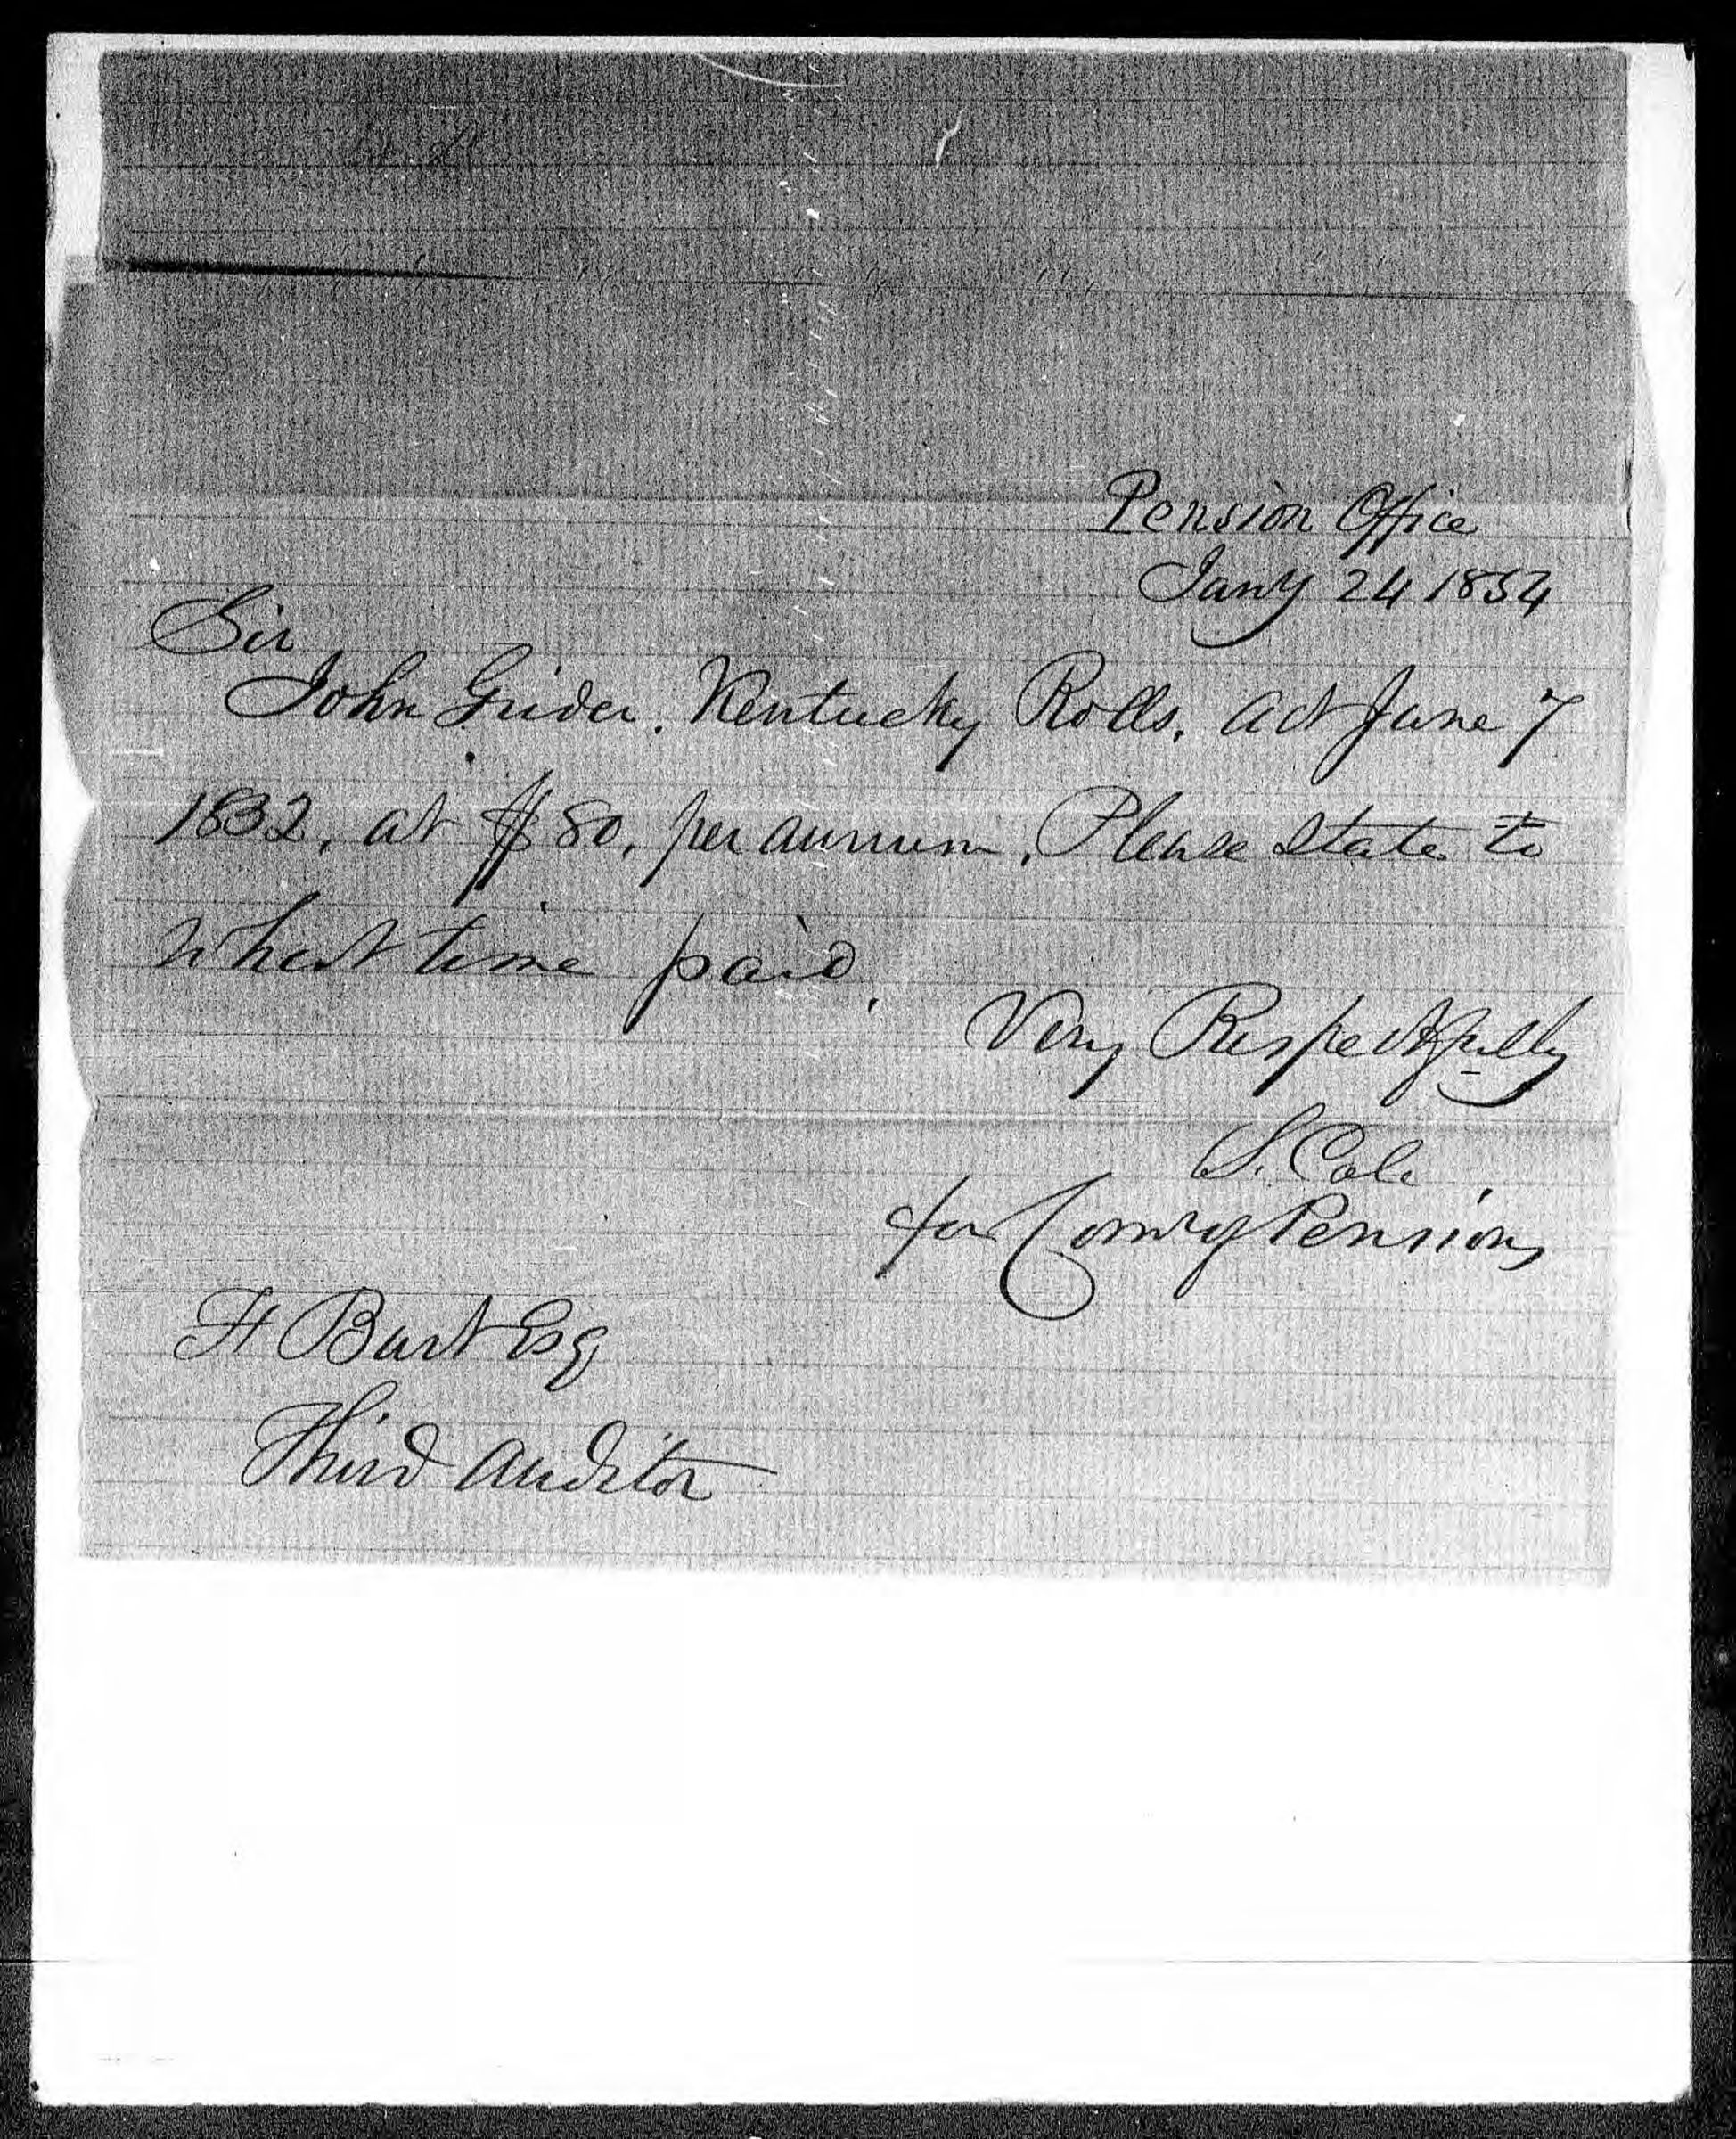Pension Office
Jany 24 1854

Sir,
     John Grider. Kentucky Rolls, Act June 7 
1832, at $80, per annum, Please state to 
what time paid.

Very Respectfully
S.Cole
for Commr of Pensions

H Burt Esq
Third Auditor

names: John Grider, S Cole, F Burt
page: 31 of 91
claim: widow's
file: W 358, John Grider, N.C.